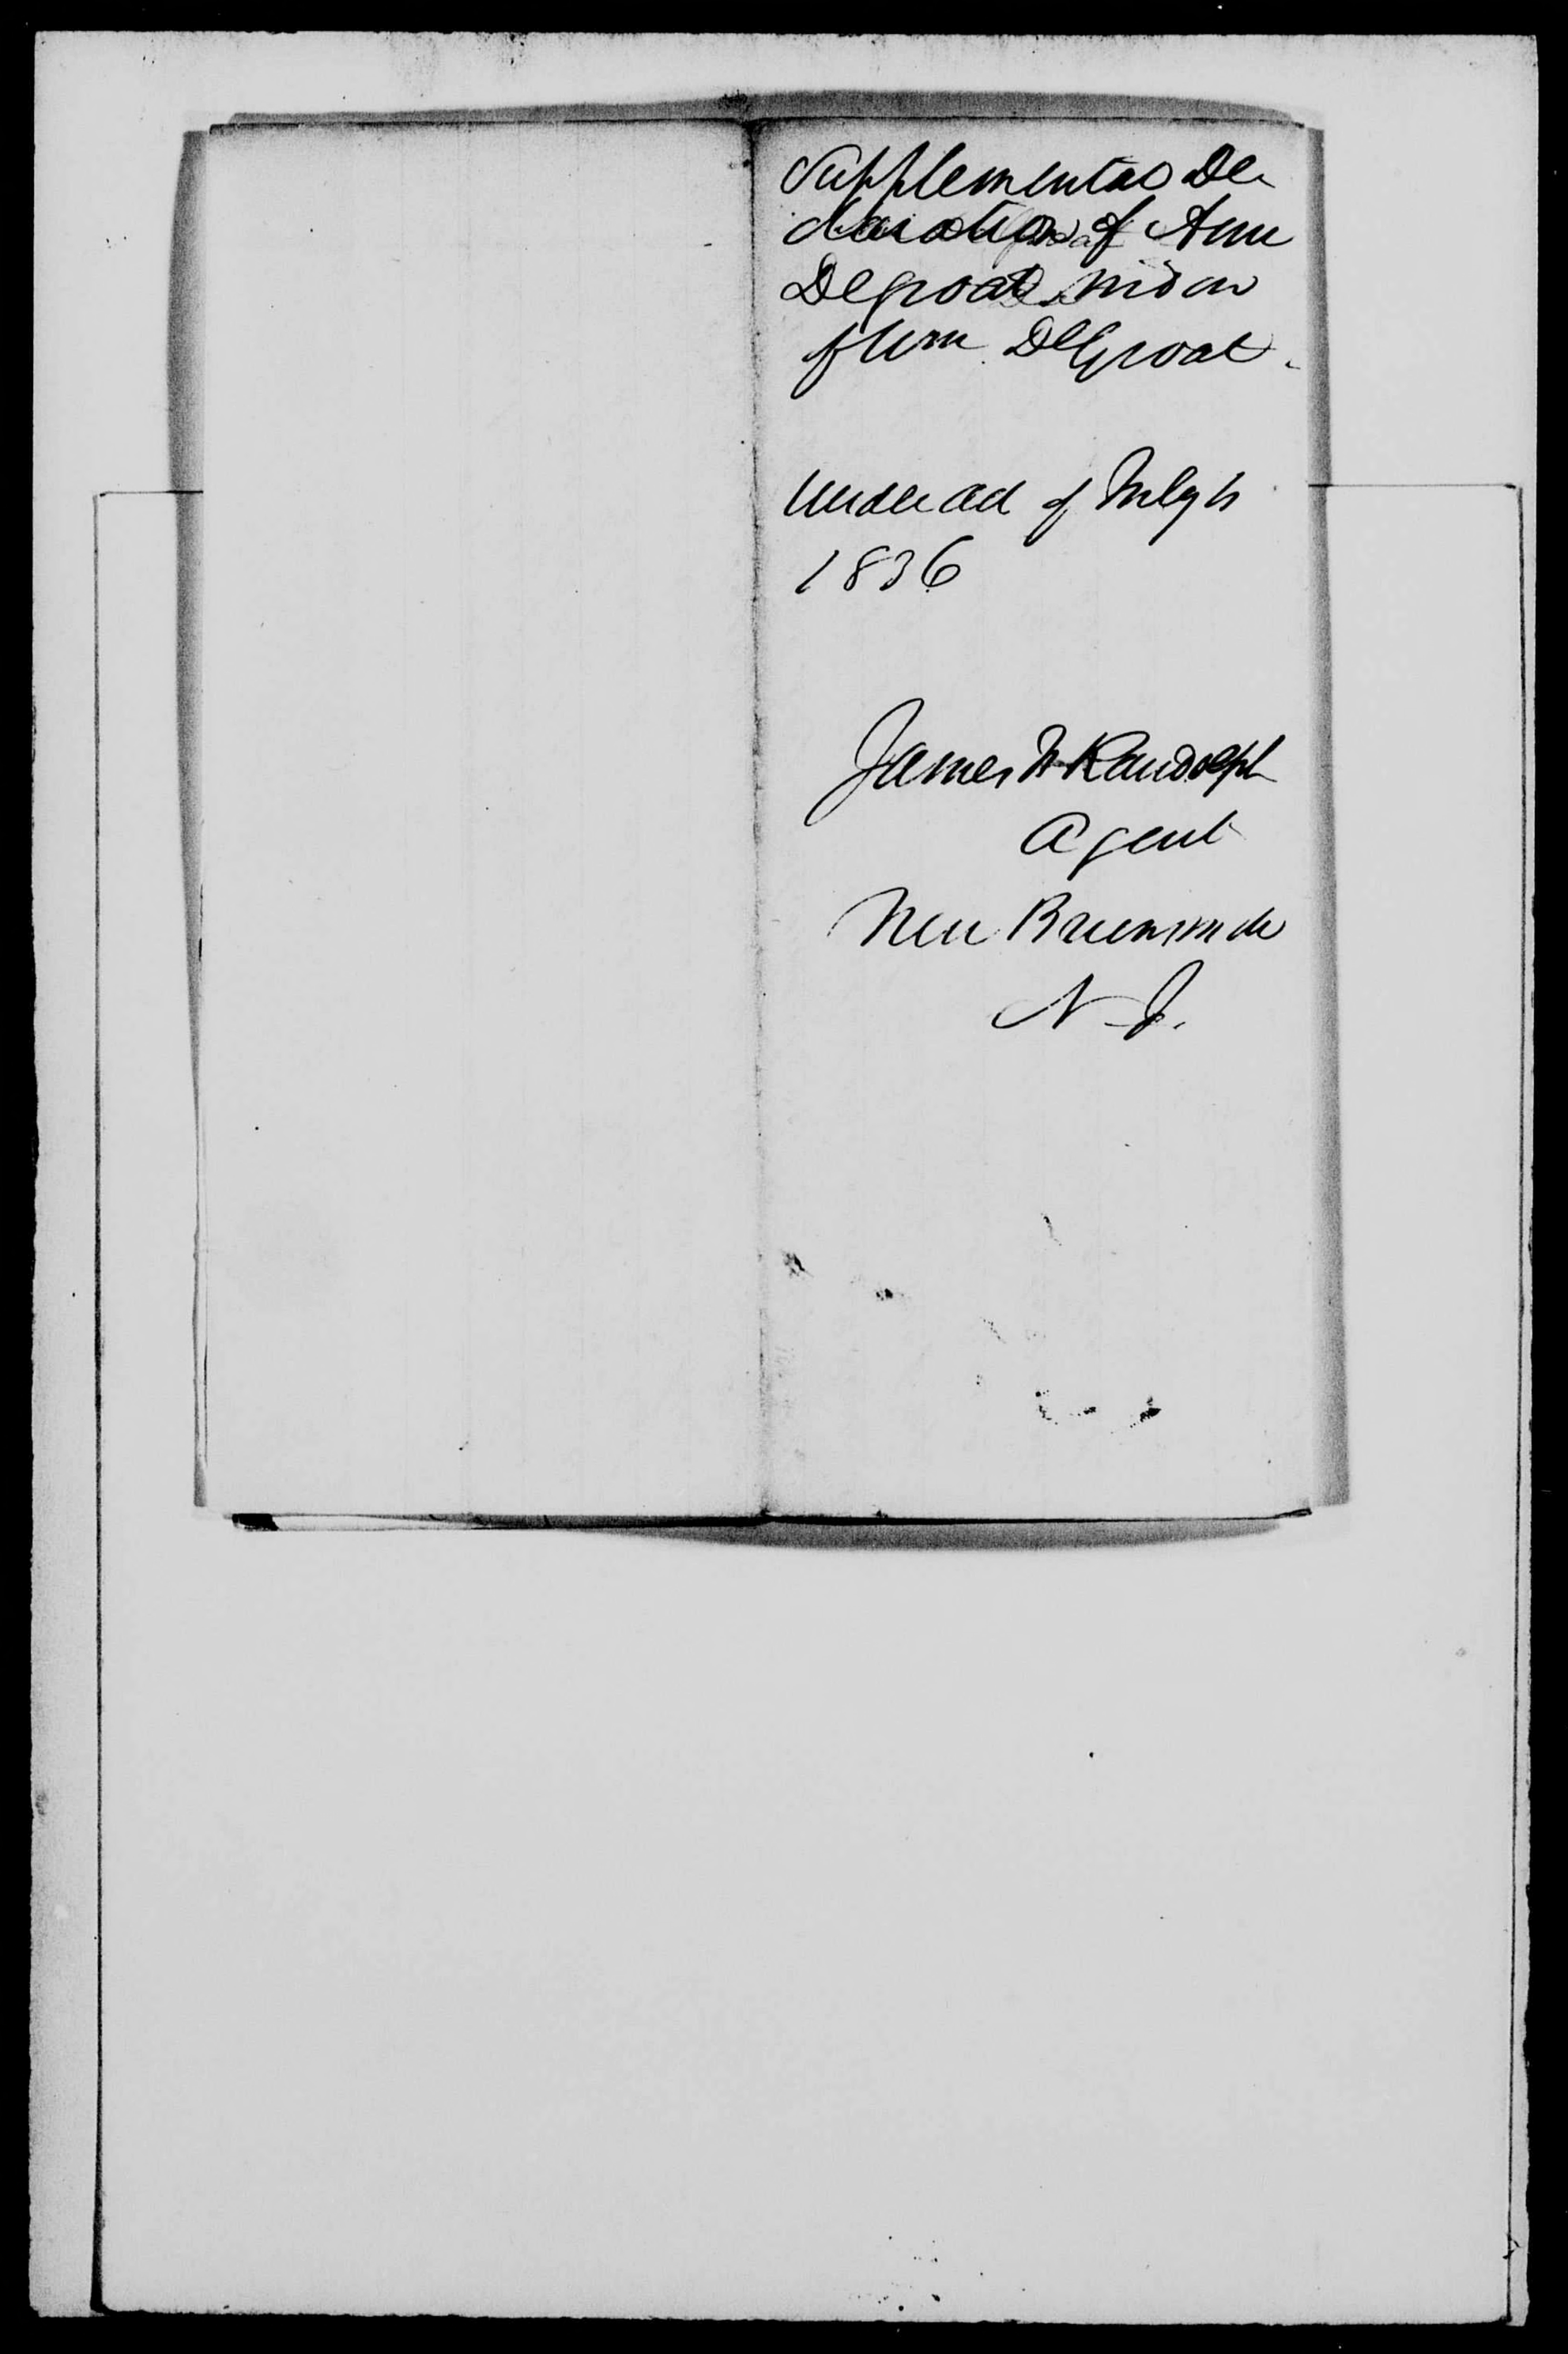Supplemental Declaration
of Ann Degroot widow
of Wm DeGroot

under act of July
1836


James FW Randolph
Agent
New Brunswick
N J.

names: James F Randolph, Ann Degroot, Wm De Groat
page: 61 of 77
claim: widow's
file: W. 417, William De Groot, New Jersey